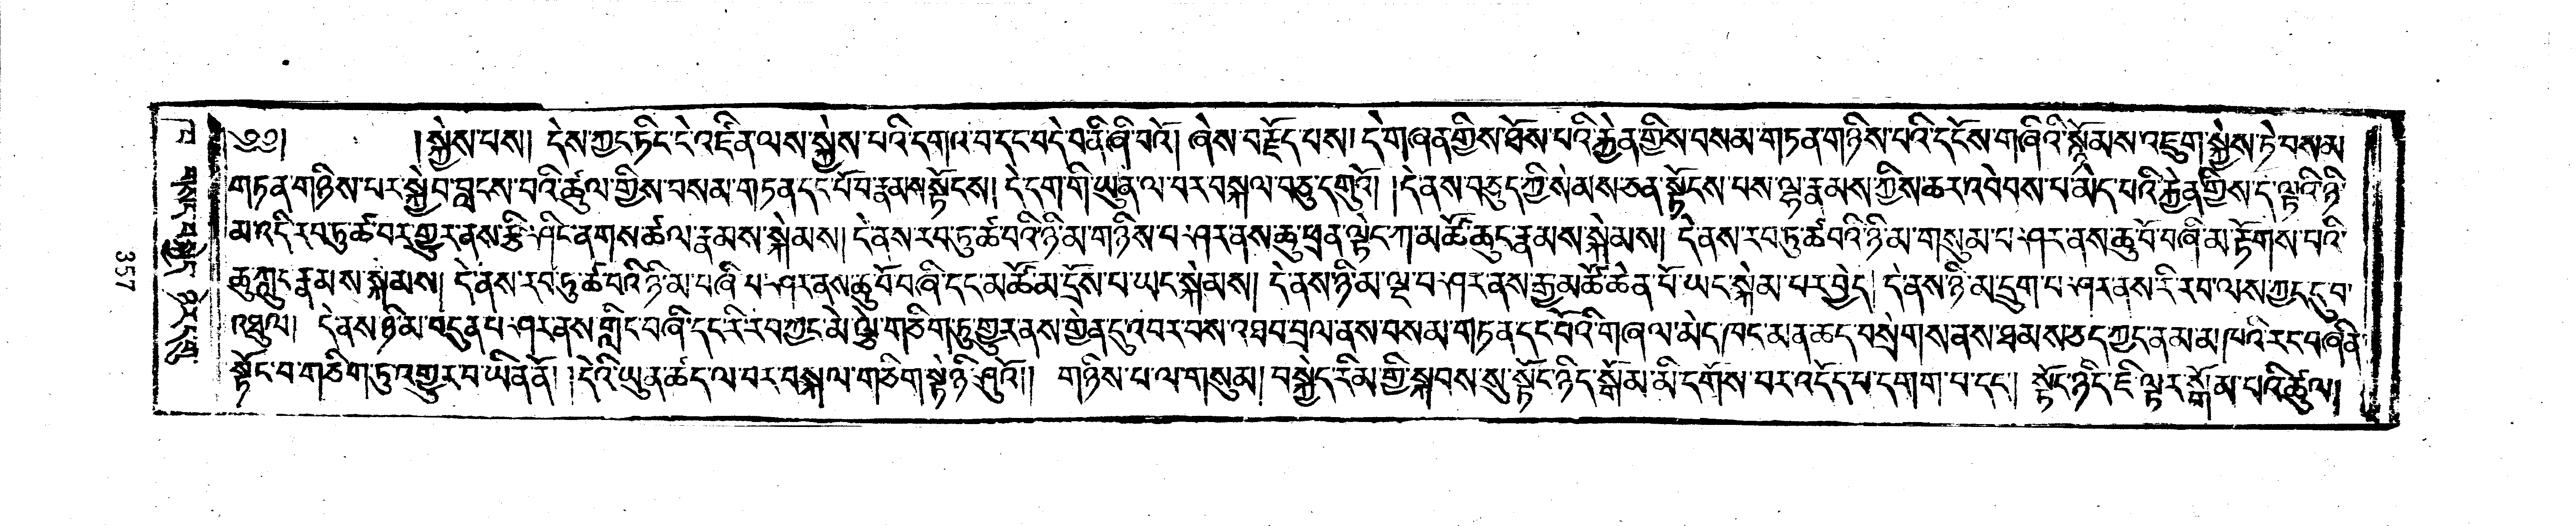༄༅། །སྐྱེས་པས། དེས་ཀྱང་ཏིང་ངེ་འཛིན་ལས་སྐྱེས་པའི་དགའ་བ་དང་བདེ་བ་ནི་ཞི་བའོ། ཞེས་བརྗོད་པས། དེ་གཞན་གྱིས་ཐོས་པའི་རྐྱེན་གྱིས་བསམ་གཏན་གཉིས་པའི་དངོས་གཞིའི་སྙོམས་འཇུག་སྐྱེས་ཏེ་བསམ་
གཏན་གཉིས་པར་སྐྱེ་བ་བླངས་པའི་ཚུལ་གྱིས་བསམ་གཏན་དང་པོ་བ་རྣམས་སྟོངས། དེ་དག་གི་ཡུན་ལ་བར་བསྐལ་བཅུ་དགུའོ། །དེ་ནས་བཅུད་ཀྱི་སེམས་ཅན་སྟོངས་པས་ལྷ་རྣམས་ཀྱིས་ཆར་འབེབས་པ་མེད་པའི་རྐྱེན་གྱིས་ད་ལྟའི་ཉི་
མ་འདི་རབ་ཏུ་ཚ་བར་གྱུར་ནས་རྩི་ཤིང་ནགས་ཚལ་རྣམས་སྐེམས། དེ་ནས་རབ་ཏུ་ཚ་བའི་ཉི་མ་གཉིས་པ་ཤར་ནས་ཆུ་ཕྲན་ལྟེང་ཀ་མཚོ་ཆུང་རྣམས་སྐེམས། དེ་ནས་རབ་ཏུ་ཚ་བའི་ཉི་མ་གསུམ་པ་ཤར་ནས་ཆུ་པོ་བཞི་མ་རྟོགས་པའི་
ཆུ་ཀླུང་རྣམས་སྐེམས། དེ་ནས་རབ་ཏུ་ཚ་བའི་ཉི་མ་བཞི་བ་ཤར་ནས་ཆུ་བོ་བཞི་དང་མཚོ་མ་དྲོས་པ་ཡང་སྐོམས། དེ་ནས་ཉི་མ་ལྔ་པ་ཤར་ནས་རྒྱ་མཚོ་ཆེན་པོ་ཡང་སྐེམ་པར་བྱེད། དེ་ནས་ཉི་མ་དྲུག་པ་ཤར་ནས་རི་རབ་ལས་ཀྱང་དུབ་
འཐུལ། དེ་ནས་ཉི་མ་བདུན་པ་ཤར་ནས་གླིང་བཞི་དང་རི་རབ་ཀྱང་མེ་ལྕེ་?་གཅིག་ཏུ་གྱུར་ནས་གྱེན་དུ་འབར་བས་འཐབ་བྲལ་ནས་བསམ་གཏན་དང་པོའི་གཞལ་མེད་ཁང་མན་ཆད་བསྲེགས་ནས་ཐམས་ཅད་ཀྱང་ནམ་མཁའི་རང་བཞིན་
སྟོང་པ་གཅིག་ཏུ་འགྱུར་བ་ཡིན་ནོ། །དེའི་ཡུན་ཚད་ལ་བར་བསྐལ་གཅིག་སྟེ་ཉི་ཤུའོ། །གཉིས་པ་ལ་གསུམ། བསྐྱེད་རིམ་གྱི་སྐབས་སུ་སྟོང་ཉིད་སྒོམ་མི་དགོས་པར་འདོད་པ་དགག་པ་དང་། སྟོང་ཉིད་ཇི་ལྟར་སྒོམ་པའི་ཚུལ་